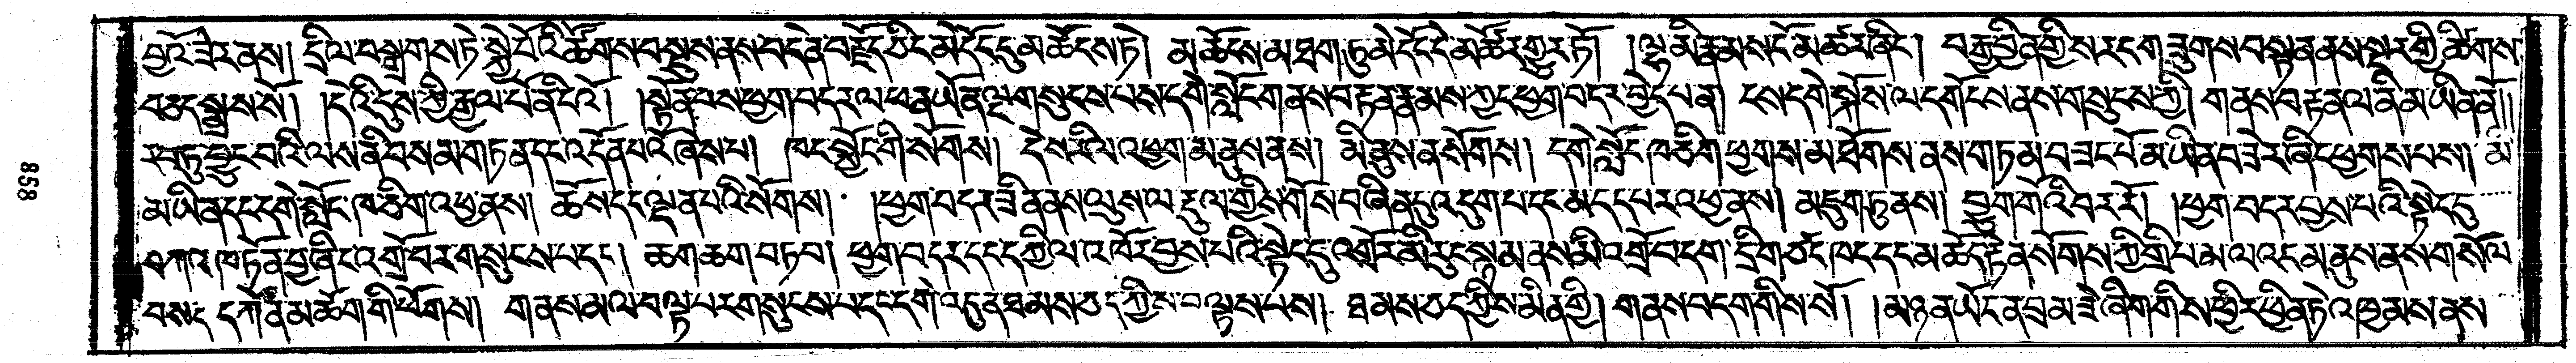བྱའོ་ཟེར་ནས། དྲིལ་བསྒྲགས་ཏེ་སྐྱེ་བོའི་ཚོགས་བསྡུས་ནས་བདེན་བརྗོད་ཅིང་མེ་དོང་དུ་མཆོངས་ཏེ། མཆོངས་མ་ཐག་ཏུ་མེ་དོང་དེ་མཚོར་གྱུར་ཏོ། །ལྷ་མི་རྣམས་ངོ་མཚར་ཞིང་། བརྒྱ་བྱིན་གྱིས་རང་གཟུགས་བསྟན་ནས་སྔར་གྱི་ཚིགས་
བཅད་སྨྲས་སོ། །དེའི་དུས་ཀྱི་རྒྱལ་པོ་ནི་ངའོ། །སྟོན་པས་ཕྱག་བདར་ལ་ཕན་ཡོན་ལྔ་གསུངས་པས་དགེ་སློང་གནས་བརྟན་རྣམས་ཀྱང་ཕྱག་བདར་བྱེད་པ་ན། ངས་དགེ་སྐོས་ལ་དགོངས་ནས་གསུངས་ཀྱི། གནས་བརྟན་ལ་ནི་མ་ཡིན་ནོ།།
རབ་ཏུ་བྱུང་བའི་ལས་ནི་བསམ་གཏན་དང་འདོན་པའོ་ཞེས་པ། ཁང་སྐྱོང་གི་སོགས། དེས་རིལ་འཕྱག་མ་ནུས་ནས། མི་ནུས་ན་སོགས། དགེ་སློང་ཁ་ཅིག་ཕྱགས་མ་ཐོགས་ནས་གཏམ་བཟང་པོ་མ་ཡིན་བ་ཟེར་ཞིང་ཕྱགས་མ་ཐོགས་ནས་གཏམ་བཟང་པོ་མ་ཡིན་བ་ཟེར་ཞིང་ཕྱགས་པས། མི་
མ་ཡིན་དང་དགེ་སློང་ཁ་ཅིག་འཕྱ་ནས། ཆོས་དང་ལྡན་པའི་སོགས། །ཕྱག་བདར་ཟིན་ནས་ལུས་ལ་རྡུལ་གྱིས་གོས་བཞིན་དུ་འདུག་པ་དང་མ་དད་པར་འཕྱ་ནས། མཇུག་ཏུ་ནས། བྱུག་གོའི་བར་རོ། །ཕྱག་བདར་བྱས་པའི་སྟེང་དུ་
བཀའ་ཁ་ཏོན་བྱ་ཞིང་འགྲོ་བར་གསུངས་པ་དང་། ཆག་ཆག་བཏབ། ཕྱག་བདར་དང་དཀྱིལ་འཁོར་བྱས་པའི་སྟེང་དུ་འགྲོར་མི་རུང་སྙམ་ནས་མི་འགྲོ་བདག་དྲི་གཙང་ཁང་དང་མཆོད་རྟེན་སོགས་ཀྱི་གྲིབ་མ་ལའང་མ་ནུས་ནས་གསོལ་
བས༑ དཀོན་མཆོག་གི་ཕོགས། གནས་མལ་བལྟ་པར་གསུངས་པ་དང་དགེ་འདུན་ཐམས་ཅད་ཀྱིས་བལྟས་པས། ཐམས་ཅད་ཀྱིས་མིན་གྱི། གནས་བདག་གིས་སོ། །མཉན་ཡོད་ན་བྲམ་ཟེ་ཞིག་གིས་ཕྱིར་ཕྱིན་ཏེ་འཁྱམས་ནས་